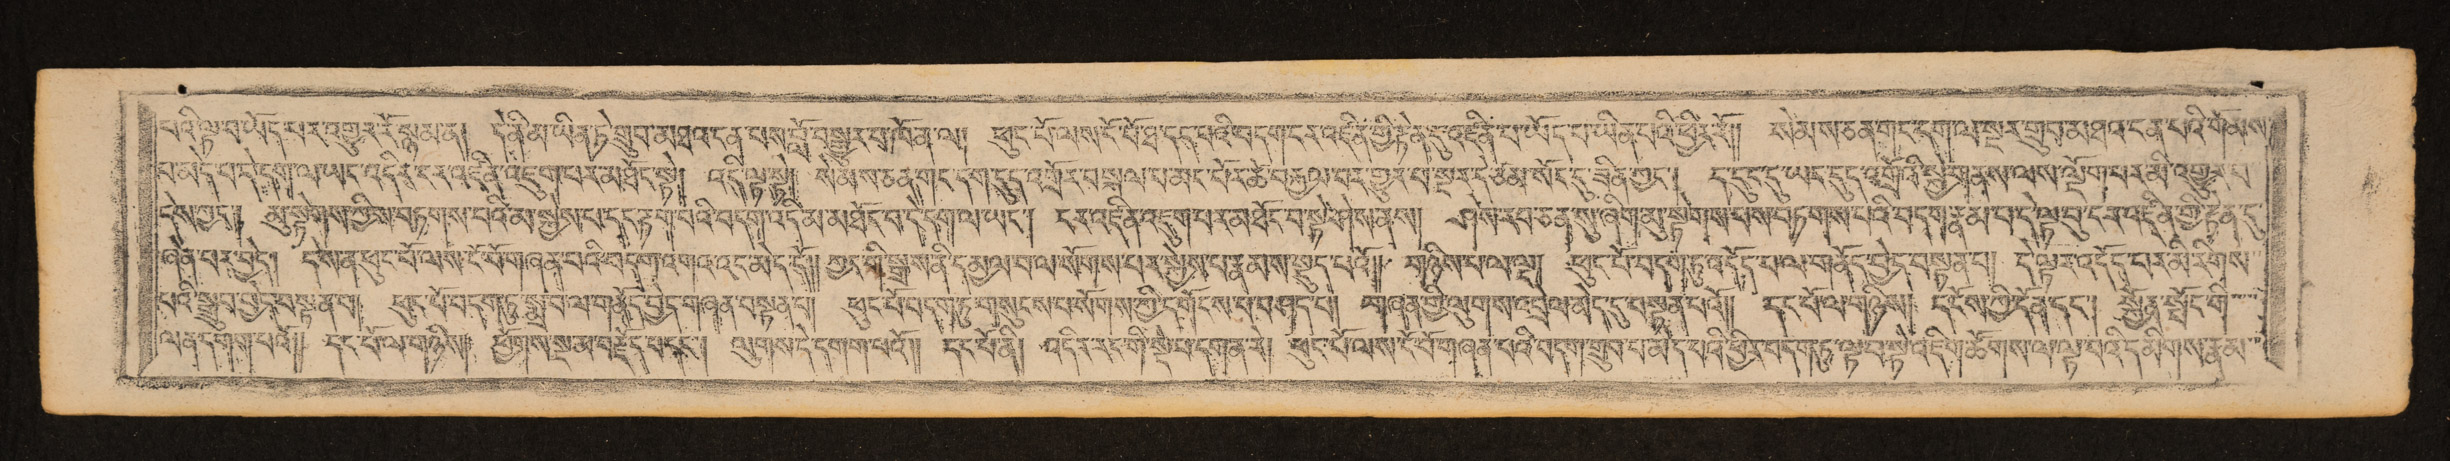པའི་ལྟ་བ་ཡོད་པར་འགྱུར་རོ་སྙམ་ན། དེ་ནི་མ་ཡིན་ཏེ་གྲུབ་མཐའ་ངན་པས་བློ་བསྒྱུར་བ་ཁོ་ན་ལ། ཕུང་པོ་ལས་ངོ་བོ་ཐ་དད་པའི་བདག་ངར་འཛིན་གྱི་རྟེན་དུ་འཛིན་པ་ཡོད་པ་ཡིན་པའི་ཕྱིར་རོ།། སེམས་ཅན་གང་དག་ལ་སྔར་གྲུབ་མཐའ་ངན་པའི་གོམས་
པ་མེད་པ་དེ་དག་ལ་ཡང་འདིར་ངར་འཛིན་འཇུག་པར་མཐོང་སྟེ། འདི་ལྟ་སྟེ། སེམས་ཅན་གང་དག་དུད་འགྲོར་བསྐལ་བ་མང་པོར་ཚོ་བརྒྱལ་བར་གྱུར་པ་སྔར་དེ་ཙམ་སོང་དུ་ཟིན་ཀྱང་། ད་དུང་དུ་ཡང་དུད་འགྲོའི་སྐྱེ་གནས་ལས་ལྡོག་པར་མི་འགྱུར་བ་
དེས་ཀྱང་། མུ་སྟེགས་ཀྱིས་བཏགས་པའི་མ་སྐྱེས་པ་དང་རྟག་པའི་བདག་འདི་མ་མཐོང་བ་དེ་དག་ལ་ཡང་། ངར་འཛིན་འཇུག་པར་མཐོང་བ་སྟེ་ཤེས་ནས། ཤེས་རབ་ཅན་སུ་ཞིག་མུ་སྟེགས་པས་བཏགས་པའི་བདག་རྣམ་པ་དེ་ལྟ་བུ་ངར་འཛིན་གྱི་རྟེན་དུ་
ཞེན་པར་བྱེད། དེས་ན་ཕུང་པོ་ལས་ངོ་བོ་གཞན་པའི་བདག་འགའ་འང་མེད་དོ།། ཀྱང་གི་སྒྲས་ནི་དམྱལ་བ་ལ་སོགས་པར་སྐྱེས་པ་རྣམས་སྡུད་པའོ།། གཉིས་པ་ལ་ལྔ། ཕུང་པོ་བདག་ཏུ་འདོད་པ་ལ་གནོད་བྱེད་བསྟན་པ། དེ་ལྟར་འདོད་པར་མི་རིགས་
པའི་སྒྲུབ་བྱེད་བསྟན་པ། ཕུང་པོ་བདག་ཏུ་སྨྲ་བ་ལ་གནོད་བྱེད་གཞན་བསྟན་པ། ཕུང་པོ་བདག་ཏུ་གསུངས་པ་སོགས་ཀྱི་དགོངས་པ་བཤད་པ། གཞན་གྱི་ལུགས་འབྲེལ་མེད་དུ་བསྟན་པའོ།། དང་པོ་ལ་གཉིས། དངོས་ཀྱི་དོན་དང་། སྐྱོན་སྤོང་གི་
ལན་དགག་པའོ།། དང་པོ་ལ་གཉིས། ཕྱོགས་སྔ་མ་བརྗོད་པ་དང་། ལུགས་དེ་དགག་པའོ།། དང་པོ་ནི། འདིར་རང་གི་སྡེ་པ་དག་ན་རེ། ཕུང་པོ་ལས་ངོ་བོ་གཞན་པའི་བདག་གྲུབ་པ་མེད་པའི་ཕྱིར་བདག་ཏུ་ལྟ་བ་སྟེ་འཇིག་ཚོགས་ལ་ལྟ་བའི་དམིགས་རྣམ་